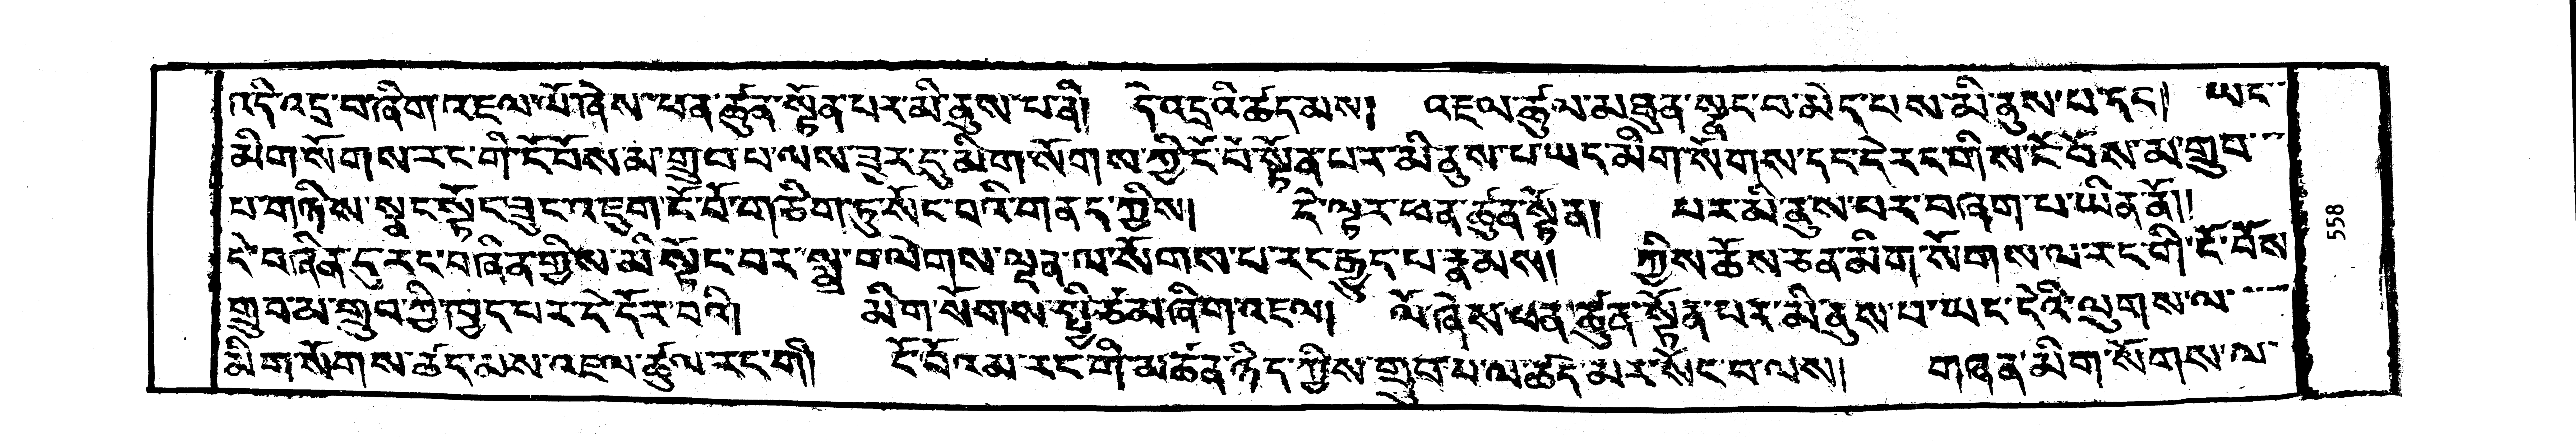འདི་འདྲ་བ་ཞིག་འཇལ་ལོ་ཞེས་ཕན་ཚུན་སྟོན་པར་མི་ནུས་པ་ནི། དེ་འདྲའི་ཚད་མས། འཇལ་ཚུལ་མཐུན་སྣང་བ་མེད་པས་མི་ནུས་པ་དང་། ཡང་
མིག་སོགས་རང་གི་ངོ་བོས་མ་གྲུབ་པ་ལས་ཟུར་དུ་མིག་སོགས་ཀྱི་ངོ་བོ་སྟོན་པར་མི་ནུས་པ་ཡང་མིག་སོགས་དང་དེ་རང་གིས་ངོ་བོས་མ་གྲུབ་
པ་གཉིས་སྣང་སྟོང་ཟུང་འཇུག་ངོ་བོ་གཅིག་ཏུ་སོང་བའི་གནད་ཀྱིས། དེ་ལྟར་ཕན་ཚུན་སྟོན། པར་མི་ནུས་པར་བཞག་པ་ཡིན་ནོ།།
དེ་བཞིན་དུ་རང་བཞིན་གྱིས་མི་སྟོང་བར་སྨྲ་བ་ལེགས་ལྡན་ལ་སོགས་པ་རང་རྒྱུད་པ་རྣམས། ཀྱིས་ཆོས་ཅན་མིག་སོགས་ལ་རང་གི་ངོ་བོས་
གྲུབ་མ་གྲུབ་ཀྱི་ཁྱད་པར་དེ་དོར་བའི། མིག་སོགས་སྤྱི་ཙམ་ཞིག་འཇལ། ལོ་ཞེས་ཕན་ཚུན་སྟོན་པར་མི་ནུས་པ་ཡང་དེའི་ལུགས་ལ་
མིག་སོགས་ཚད་མས་འཇལ་ཚུལ་རང་གི། ངོ་བོའམ་རང་གི་མཚན་ཉིད་ཀྱིས་གྲུབ་པ་ལ་ཚད་མར་སོང་བ་ལས། གཞན་མིག་སོགས་ལ་